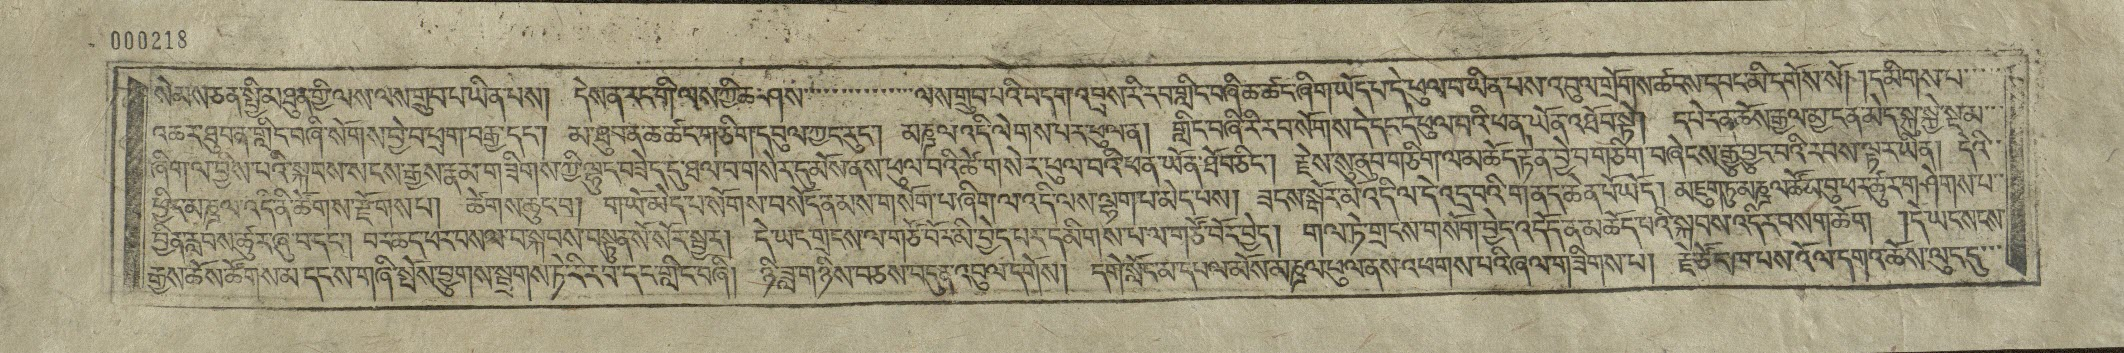སེམས་ཅན་སྤྱི་མཐུན་གྱི་ལས་ལས་གྲུབ་པ་ཡིན་པས། དེས་ན་རང་གི་ལས་ཀྱི་ཆ་ཤས་ལས་གྲུབ་པའི་བདག་འབྲས་རི་རབ་གླིང་བཞི་ཆ་ཚང་ཞིག་ཡོད་པ་དེ་ཕུལ་བ་ཡིན་པས་འབུལ་གྲོགས་ཚངས་དབང་མི་དགོས་སོ། །དམིགས་པ་
འཆར་ཐུབ་ན་གླིང་བཞི་སོགས་བྱེ་བ་ཕྲག་བརྒྱ་དང་། མ་ཐུབ་ན་ཆ་ཚང་གཅིག་དབུལ་ཀྱང་རུང་། མཎྜལ་འདི་ལེགས་པར་ཕུལ་ན། གླིང་བཞི་རི་རབ་སོགས་དེ་དང་དེ་ཕུལ་བའི་ཕན་ཡོན་འཐོབ་སྟེ། དཔེར་ན་ཆོས་རྒྱལ་མྱ་ངན་མེད་སྐུ་སྐྱེ་སྔ་མ་
ཞིག་ལ་བྱིས་པའི་སྐབས་སངས་རྒྱས་རྣམ་གཟིགས་ཀྱི་ལྷུང་བཟེད་དུ་ཐལ་བ་གསེར་དུ་མོས་ནས་ཕུལ་བའི་ཚེ་གསེར་ཕུལ་བའི་ཕན་ཡོན་ཐོབ་ཅིང་། རྗེས་སུ་ནུབ་གཅིག་ལ་མཆོད་རྟེན་བྱེ་བ་གཅིག་བཞེངས་རྒྱུ་བྱུང་བའི་རབས་ལྟར་ཡིན། དེའི་
ཕྱིར་མཎྜལ་འདི་ནི་ཚོགས་རྫོགས་པ། ཚེགས་ཆུང་བ། གཡོ་མེད་པ་སོགས་བསོད་ནམས་གསོག་པ་ཞིག་ལ་འདི་ལས་ལྷག་པ་མེད་པས། ཟངས་སྒོར་མོ་འདི་ལ་དེ་འདྲ་བའི་གནད་ཆེན་པོ་ཡོད། མཇུག་ཏུ་མཎྜལ་ཚོམ་བུ་ཕར་ཚུར་གཤེགས་པ་
བྱིན་རླབས་ཚུར་ཞུ་བ་དང་། བར་ཆད་ཕར་བསལ་བ་སྐབས་བསྟུན་སོ་སོར་སྦྱར། དེ་ཡང་གྲངས་ལ་གཙོ་བོར་མི་བྱེད་པར་དམིགས་པ་ལ་གཙོ་བོར་བྱེད། གལ་ཏེ་གྲངས་གསོག་བྱེད་འདོད་ན་མཆོད་པའི་སྐབས་འདིར་བས་ག་ཆོག །དེ་ཡང་སངས་
རྒྱས་ཆོས་ཚོགས་མ་དང་ས་གཞི་སྤོས་བྱུགས་སྦྲགས་ཏེ་རི་རབ་དང་གླིང་བཞི། ཉི་ཟླ་གཉིས་བཅས་བདུན་འབུལ་དགོས། དགེ་སློང་མ་དཔལ་མོས་མནྡལ་ཕུལ་ནས་འཕགས་པའི་ཞལ་གཟིགས་པ། རྗེ་ཙོང་ཁ་པས་འོལ་དགའ་ཆོས་ལུང་དུ་